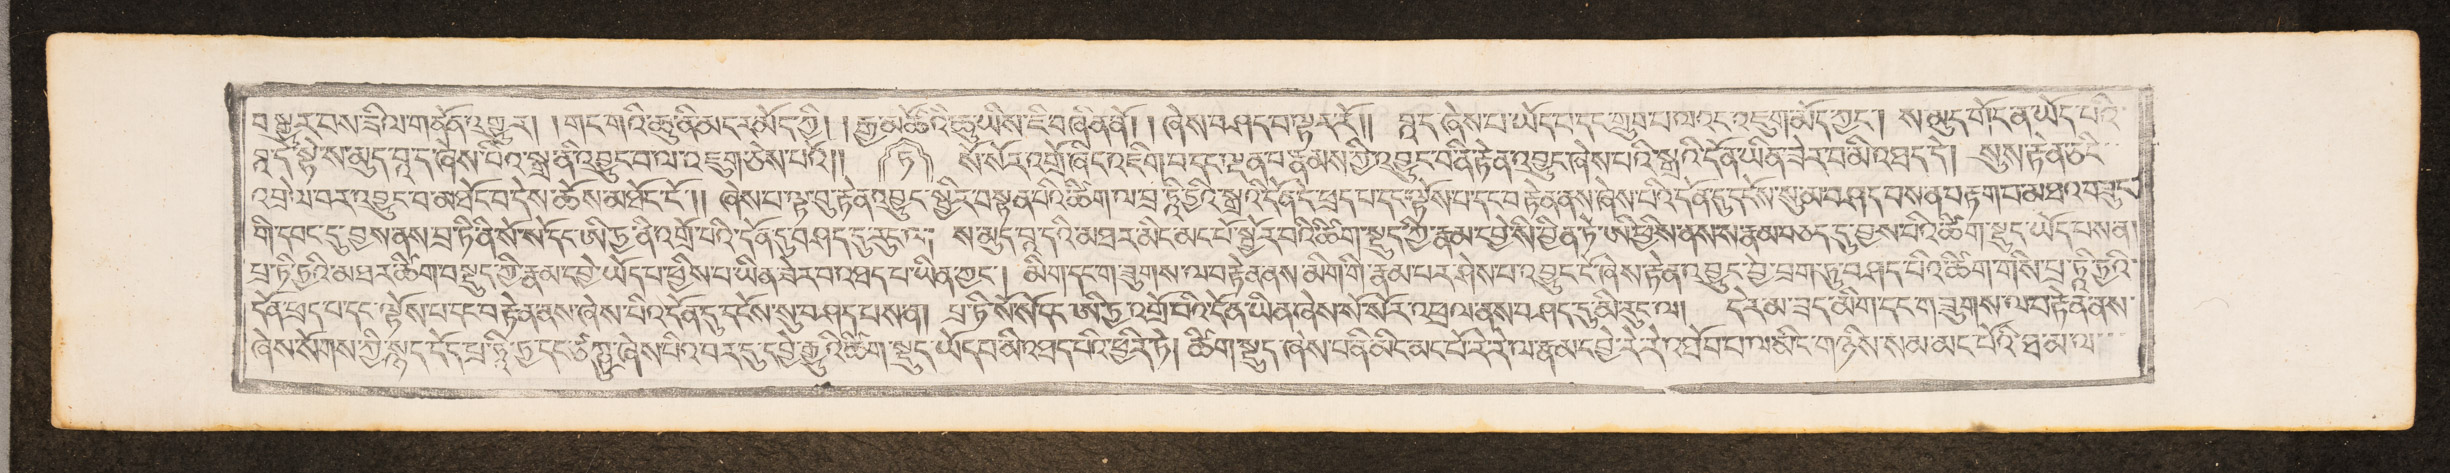བསྒྱུར་བས་ཟིལ་གནོན་འགྱུར། །གང་གའི་ཆུ་ནི་མངར་མོད་ཀྱི། །རྒྱ་མཚོའི་ཆུ་ཡིས་ཇི་བཞིན་ནོ། །ཞེས་བཤད་པ་ལྟར་རོ། །བཱ་ད་ཞེས་པ་ཡོད་པ་དང་གྲུབ་པ་ལའང་འཇུག་མོད་ཀྱང་། ས་མུད་གོང་ན་ཡོད་པའི་
བཱ་དེ་སྟེ་ས་མུད་བཱ་ད་ཞེས་པའི་སྒྲ་ནི་འབྱུང་བ་ལ་འཇུག་ཅེས་པའོ། །༼༽ཏ༼༽ སོ་སོར་འགྲོ་ཞིང་འཇིག་པ་དང་ལྡན་པ་རྣམས་ཀྱི་འབྱུང་བ་ནི་རྟེན་འབྱུང་ཞེས་པའི་སྒྲའི་དོན་ཡིན་ཟེར་བ་མི་འཐད་དེ། སུས་རྟེན་ཅིང་
འབྲེལ་བར་འབྱུང་བ་མཐོང་བ་དེས་ཆོས་མཐོང་ངོ། །ཞེས་པ་ལྟ་བུ་རྟེན་འབྱུང་སྦྱིར་བསྟན་པའི་ཚིག་ལ་བྲ་ཏའི་དྱའི་སྒྲའི་དོན་དེ་ཕྲད་པ་དང་ལྟོས་པ་དང་བརྟེན་ནས་ཞེས་པའི་དོན་དུ་དངོས་སུ་མ་བཤད་པས་ན་བརྟག་པ་མཐའ་བཟུང་
གི་དབང་དུ་བྱས་ནས་བྲ་ཏི་ནི་སོ་སོ་དང་ཨི་ཏྱ་ནི་འགྲོ་བའི་དོན་དུ་བཤད་དུ་རུང་ལ། ས་མུད་བཱ་དའི་མཐར་མིང་མང་པོ་སྦྱོར་བའི་ཚིག་སྡུད་ཀྱི་རྣམ་དབྱེ་སི་བྱིན་ཏེ་ཨི་ཕྱིས་ནས་ས་རྣམ་བཅད་དུ་བྱས་པའི་ཚིག་སྡུད་ཡོད་པས་ན།
པྲ་ཏི་ཏྱའི་མཐར་ཚིག་བསྡུད་ཀྱི་རྣམ་དབྱེ་ཡོད་པ་ཕྱིས་པ་ཡིན་ཟེར་བ་འཐད་པ་ཡིན་ཀྱང་། མིག་དང་གཟུགས་ལ་བརྟེན་ནས་མིག་གི་རྣམ་པར་ཤེས་པ་འབྱུང་ངོ་ཞེས་རྟེན་འབྱུང་བྱེ་བྲག་ཏུ་བཤད་པའི་ཚིག་གིས་པྲ་ཏྲའི་ཏྱའི་
དོན་ཕྲད་པ་དང་ལྟོས་པ་དང་བརྟེན་ནས་ཞེས་པའི་དོན་དུ་དངོས་སུ་བཤད་པས་ན། པྲ་ཏི་སོ་སོ་དང་ཨི་ཏྱ་འགྲོ་བའི་དོན་ཡིན་ཞེས་སོ་སོར་འཕྲལ་ནས་བཤད་དུ་མི་རུང་ལ། དེར་མ་ཟད་མིག་དང་གཟུགས་ལ་བརྟེན་ནས་
ཞེས་སོགས་ཀྱི་སྙད་དོད་པྲ་ཏའི་ཏྱ་དང་ཙཀྵུ་ཞེས་པའི་བར་དུ་དབྱེ་རྒྱུའི་ཚིག་སྡུད་ཡོད་པ་མི་འཐད་པའི་ཕྱིར་ཏེ། ཚིག་སྡུད་ཞེས་པ་ནི་མིང་མང་པོ་རེ་རེ་ལ་རྣམས་དབྱེ་རེ་རེ་འཐོབ་པ་ལ་མིང་གཉིས་སམ་མང་པོའི་ཐ་མ་ལ་